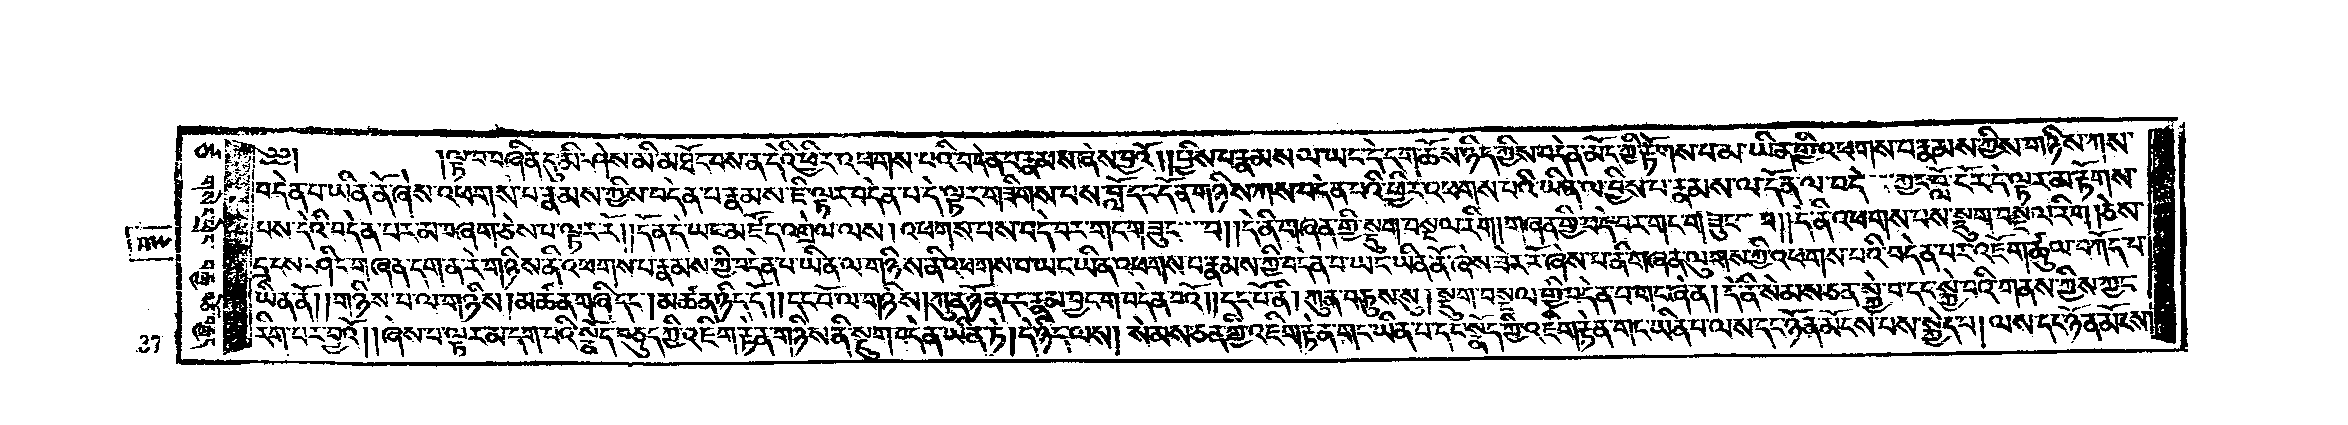༄༅། །ལྟ་བ་བཞིན་དུ་མི་ཤེས་མི་མཐོང་བས་ན་དེའི་ཕྱིར་འཕགས་པའི་བདེན་པ་རྣམས་ཞེས་བྱའོ། །བྱིས་པ་རྣམས་ལ་ཡང་དེ་དག་ཆོས་ཉིད་ཀྱིས་བདེན་མོད་ཀྱི་རྟོགས་པ་མ་ཡིན་གྱི་འཕགས་པ་རྣམས་ཀྱིས་གཉིས་ཀས་
བདེན་པ་ཡིན་ནོ་ཞེས་འཕགས་པ་རྣམས་ཀྱིས་བདེན་པ་རྣམས་ཇི་ལྟར་བདེན་པ་དེ་ལྟར་གཟིགས་པས་བློ་དང་དོན་གཉིས་ཀས་བདེན་པའི་ཕྱིར་འཕགས་པའི་ཡིན་ལ་བྱིས་པ་རྣམས་ལ་དོན་ལ་བདེན་ཀྱང་བློ་ངོར་དེ་ལྟར་མ་རྟོགས་
པས་དེའི་བདེན་པར་མ་བཞག་ཅེས་པ་ལྟར་རོ། །དོན་དེ་ཡང་མཛོད་འགྲེལ་ལས། འཕགས་པས་བདེ་བར་གང་གཟུང་བ། །དེ་ནི་གཞན་གྱི་སྡུག་བསྔལ་རིག །གཞན་གྱི་བདེ་བར་གང་གཟུང་བ། །དེ་ནི་འཕགས་པས་སྡུག་བསྔལ་རིག །ཅེས་
དྲངས་ཤིང་གཞན་དག་ན་རེ་གཉིས་ནི་འཕགས་པ་རྣམས་ཀྱི་བདེན་པ་ཡན་ལ་གཉིས་ན་འཕགས་པ་ཡང་ཡིན་འཕགས་པ་རྣམས་ཀྱི་བདེན་པ་ཡང་ཡིན་ནོ་ཞེས་ཟེར་རོ་ཞེས་པ་ནི་གཞན་ལུགས་ཀྱི་འཕགས་པའི་བདེན་པར་འཇོག་ཚུལ་བཀོད་པ་
ཡིན་ནོ། །གཉིས་པ་ལ་གཉིས། མཚན་གཞི་དང་། མཚན་ཉིད་དོ། །དང་པོ་ལ་གཉིས། ཀུན་ཉོན་དང་རྣམ་བྱང་གི་བདེན་པའོ། །དང་པོ་ནི། ཀུན་བཏུས་སུ། སྡུག་བསྔལ་གྱི་བདེན་པ་གང་ཞེ་ན། དེ་ནི་སེམས་ཅན་སྐྱེ་བ་དང་སྐྱེ་བའི་གནས་ཀྱིས་ཀྱང་
རིག་པར་བྱའོ། །ཞེས་པ་ལྟར་མ་དག་པའི་སྣོད་བཅུད་ཀྱི་འཇིག་རྟེན་གཉིས་ནི་སྡུག་བདེན་ཡིན་ཏེ། དེ་ཉིད་ལས། སེམས་ཅན་གྱི་འཇིག་རྟེན་གང་ཡིན་པ་དང་སྣོད་ཀྱི་འཇིག་རྟེན་གང་ཡིན་པ་ལས་དང་ཉོན་མོངས་པས་སྐྱེད་པ། ལས་དང་ཉོན་མོངས་